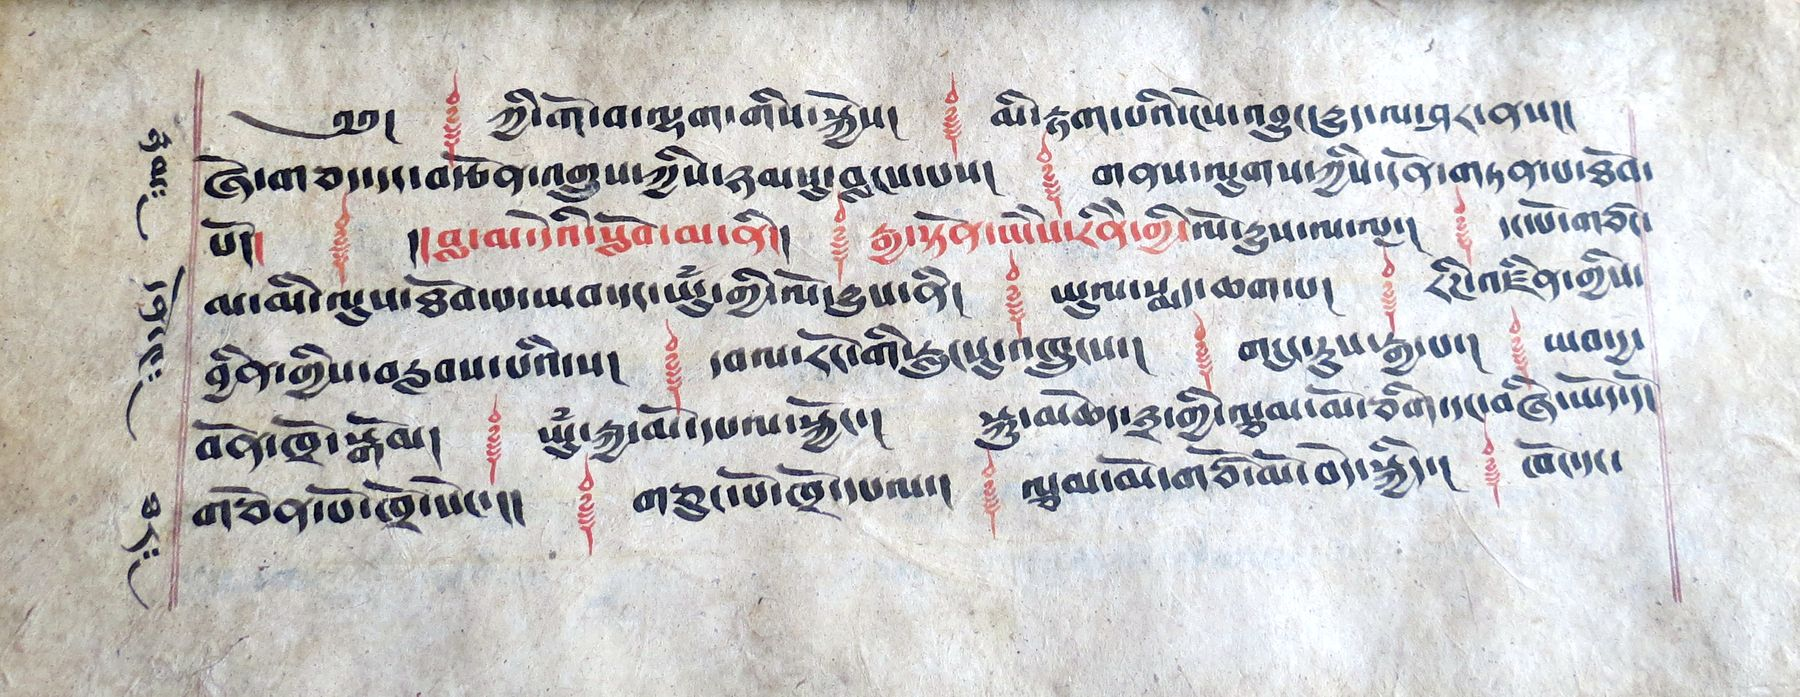གོ་བ་ལྷག་གི་སྐྱེས། མི་རྟག་པའི་ངེས་འབྱུང་རྒྱུད་ལ་ཤར་ནས། 
ཞེ་བཅད་དང་བརྩོན་འགྲུས་ཀྱིས་ཉམས་སུ་བླངས་པས། གནས་ལུགས་ཀྱི་དོན་བརྟན་པ་ཐོབ་
བོ། ། བླ་མ་དེའི་སློབ་མ་ནི། རྒྱ་སྟོན་ཡེ་ཤེས་རིན་ཆེན་གྱི་ལོ་རྒྱུས་ལ་ལྔ། དང་པོ་གཙང་
མ་མི་ལུས་ཐོབ་པ་ཡབ་དང་ཡུམ་གྱི་ལོ་རྒྱུས་ནི། ཡུལ་སྨད་ཆགས་པ། རིག་འཛིན་གྱིས་
བྱིན་གྱིས་བརླབས་པའི་ས། དབལ་རོང་གི་ཀླུངས་སུ་འཁྲུངས། གདུང་རུས་རྒྱ། ཡབ་རྒྱ་
བོན་ཁྲོ་སྒོམ། ཡུམ་སྐྱ་མོ་དཔལ་སྐྱོང་། སྐུ་མཆེད་གསུམ་ལྕམ་མོ་གཅིག་དང་བཞི་ཡོད་དོ། 
། གཅེན་པོ་ཁྲི་སིང་། གཅུང་པོ་ཁྲོ་དཔལ། ལྕམ་མོ་གཙོ་མོ་བདེ་སྐྱིད། ཁོང་དང་